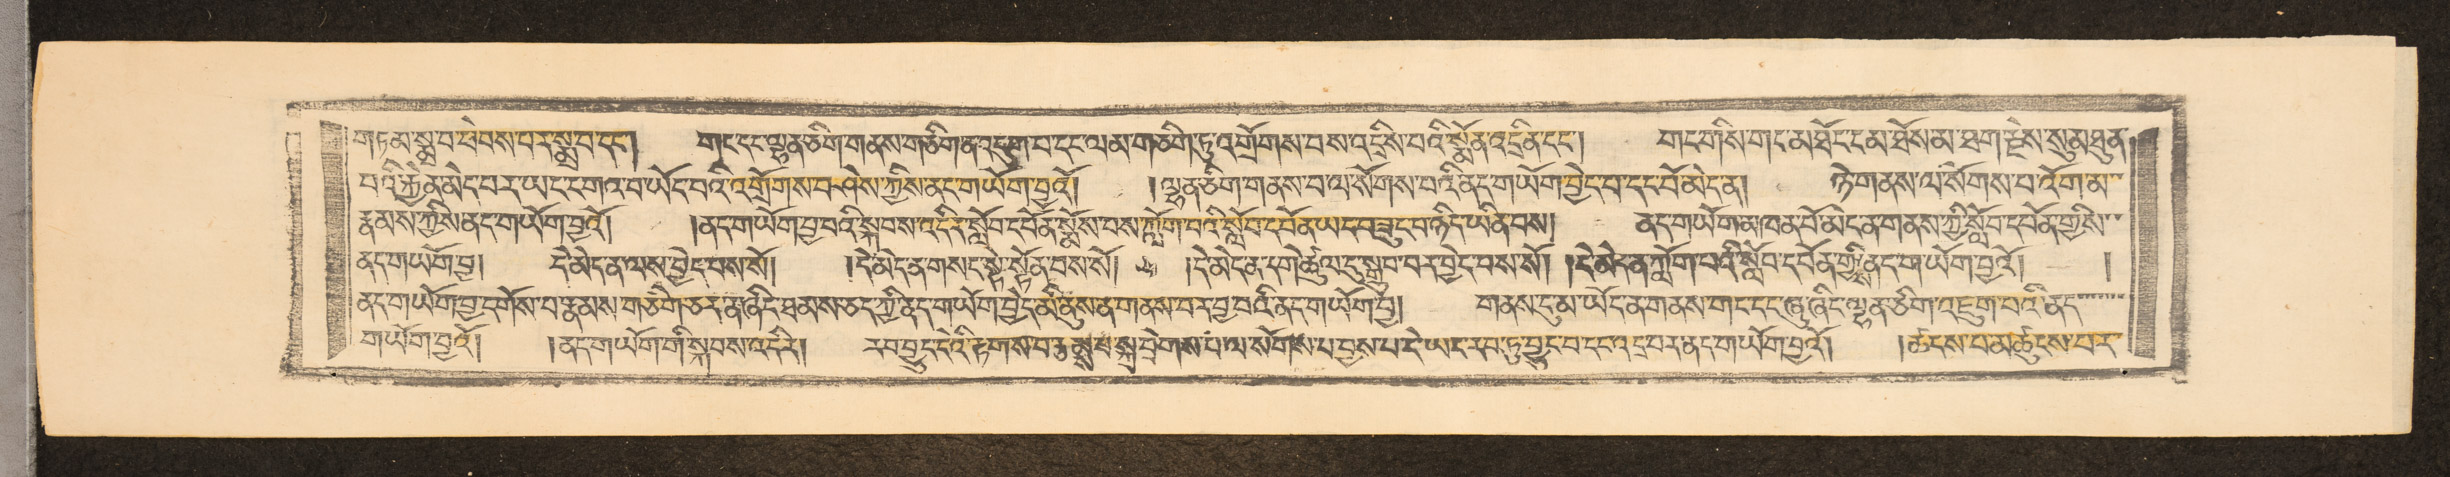གཏམ་སྨྲ་བ་ཕེབས་པར་སྨྲ་བ་དང་། གང་དང་ལྷན་ཅིག་གནས་གཅིག་ན་འདུག་པ་དང་ལམ་གཅིག་ཏུ་འགྲོགས་པས་འདྲིས་པའི་སྨོན་འདྲིན་དང་། གང་གིས་གང་མཐོང་ངམ་ཐོས་མ་ཐག་རྗེས་སུ་མཐུན་
པའི་རྐྱེན་མེད་པར་ཡང་དགའ་བ་ཡོད་པའི་འགྲོགས་བཤེས་ཀྱིས་ནད་གཡོག་བྱའོ། །ལྷན་ཅིག་གནས་པ་ལ་སོགས་པའི་ནད་གཡོག་བྱེད་པ་དང་པོ་མེད་ན། ཉེ་གནས་ལ་སོགས་པ་འོག་མ་
རྣམས་ཀྱིས་ནད་གཡོག་བྱའོ། །ནད་གཡོག་བྱ་བའི་སྐབས་འདིར་སློབ་དཔོན་སྨོས་པས་ཀློག་པའི་སློབ་དཔོན་ཡང་བཟུང་བ་ཉིད་ཡིན་པས། ནད་གཡོག་མཁན་པོ་མེད་ན་གནས་ཀྱི་སློབ་དཔོན་གྱིས་
ནད་གཡོག་བྱ། དེ་མེད་ན་ལས་བྱེད་པས་སོ། །དེ་མེད་ན་གསང་སྟེ་སྟོན་པས་སོ། །དེ་མེད་ན་དགེ་ཚུལ་དུ་སྒྲུབ་པར་བྱེད་པས་སོ། །དེ་མེད་ན་ཀློག་པའི་སློབ་དཔོན་གྱིས་ནད་གཡོག་བྱའོ། །
ནད་གཡོག་བྱ་དགོས་པ་རྣམས་གཅིག་ཅར་ན་ཞིང་ཐམས་ཅད་ཀྱི་ནད་གཡོག་བྱེད་མི་ནུས་ན་གནས་པར་བྱ་བའི་ནད་གཡོག་བྱ། གནས་དུ་མ་ཡོད་ན་གནས་གང་དང་ཞུ་ཞིང་ལྷན་ཅིག་འཇུག་པའི་ནད་
གཡོག་བྱའོ། །ནད་གཡོག་གི་སྐབས་འདིར། རབ་བྱུང་དེའི་རྟགས་བ་རྩམས་པ་སྒྲ་བྲེགས་པ་ལ་སོགས་པ་བྱས་པ་དེ་ཡང་རབ་ཏུ་བྱུང་བ་དང་འདྲ་བར་ནད་གཡོག་བྱའོ། །ཚངས་པ་མཚུངས་པར་